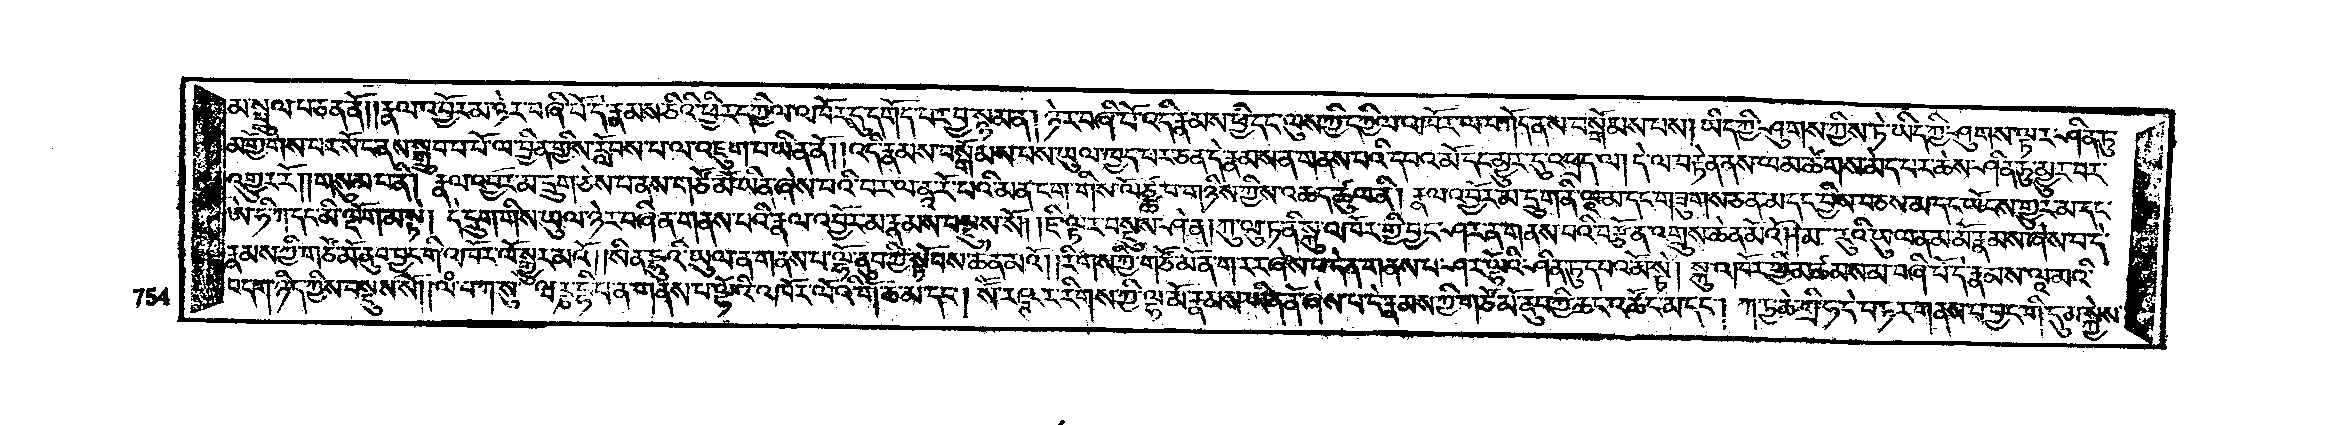མ་སྤྲུལ་པ་ཅན་ནོ། །རྣལ་འབྱོར་མ་ཉེར་བཞི་པོ་དེ་རྣམས་ཅིའི་ཕྱིར་དཀྱིལ་འཁོར་དུ་དགོད་པར་བྱ་སྙམ་ན། ཉེར་བཞི་པོ་འདི་རྣམས་ཕྱི་དང་ལུས་ཀྱི་དཀྱིལ་འཁོར་ལ་བཀོད་ནས་བསྒོམས་པས། ཡིད་ཀྱི་ཤུགས་ཀྱིས་ཏེ་ཡིད་ཀྱི་ཤུགས་ལྟར་ཤིན་ཏུ་
མགྱོགས་པར་སོང་ནས་སྒྲུབ་པ་པོ་ལ་བྱིན་གྱིས་རློབས་པ་ལ་འཇུག་པ་ཡིན་ནོ། །འདི་རྣམས་བསྒོམས་པས་ཡུལ་ཁྱད་པར་ཅན་དེ་རྣམས་ན་གནས་པའི་དཔའ་མོ་དང་མྱུར་དུ་འཕྲད་ལ། དེ་ལ་བརྟེན་ནས་ལམ་ཚོགས་མེད་པར་ཆེས་ཤིན་ཏུ་མྱུར་བར་
འགྱུར་རོ། །གསུམ་པ་ནི། རྣལ་འབྱོར་མ་དྲུག་ཅེས་པ་ནས་གཙོ་མོ་ཡིན་ཞེས་པའི་བར་ལ་ནཱ་རོ་པའི་མན་ངག་གིས་ལོཙྪ་བ་གཉིས་ཀྱིས་འཆད་ཚུལ་ནི། རྣལ་འབྱོར་མ་དྲུག་ནི་ལཱ་མ་དང་གཟུགས་ཅན་མ་དང་བྱིས་བཅས་མ་དང་ཡོངས་གྱུར་མ་དང་
ཨེ་ཧི་ཀ་དང་མི་ལྡོག་མ་སྟེ། དེ་དྲུག་གིས་ཡུལ་ཉེར་བཞིན་གནས་པའི་རྣལ་འབྱོར་མ་རྣམས་བསྡུས་སོ། །ཇི་ལྟར་བསྡུས་ཤེ་ན། ཀུ་ལུ་ཏ་ནི་སྐུ་འཁོར་གྱི་བྱང་ཤར་ན་གནས་པའི་བརྩོན་འགྲུས་ཆེན་མོའོ། །མ་རུའི་ཡུལ་ན་མ་མོ་རྣམས་ཞེས་པ་དེ་
རྣམས་ཀྱི་གཙོ་མོ་ནུབ་བྱང་གི་འཁོར་ལོ་སྒྱུར་མའོ། །སིན་དྷུའི་ཡུལ་ན་གནས་པ་ལྷོ་ནུབ་ཀྱི་སྟོབས་ཆེན་མའོ། །རིགས་ཀྱི་གཙོ་མོ་ན་ག་རར་ཞེས་པ་དེ་ན་གནས་པ་ཤར་ལྷོའི་ཤིན་ཏུ་དཔའ་མོ་སྟེ། སྐུ་འཁོར་གྱི་མཚམས་མ་བཞི་པོ་དེ་རྣམས་ལཱ་མའི་
བདག་ཉིད་ཀྱིས་བསྡུས་སོ། །ལི་པ་ཀ་སུ་ཝརྞ་དྷི་པ་ན་གནས་པ་ལྷོའི་འཁོར་ལོའི་གོ་ཆ་མ་དང་། སཽ་རཥྚར་རིགས་ཀྱི་ལྷ་མོ་རྣམས་ཡིན་ནོ་ཞེས་པ་དེ་རྣམས་ཀྱི་གཙོ་མོ་ནུབ་ཀྱི་ཆང་འཚོང་མ་དང་། ཀ་ཏྱ་ཆེ་གྲི་ཧ་དེ་བ་ཏར་གནས་པ་བྱང་གི་དུམ་སྐྱེས་